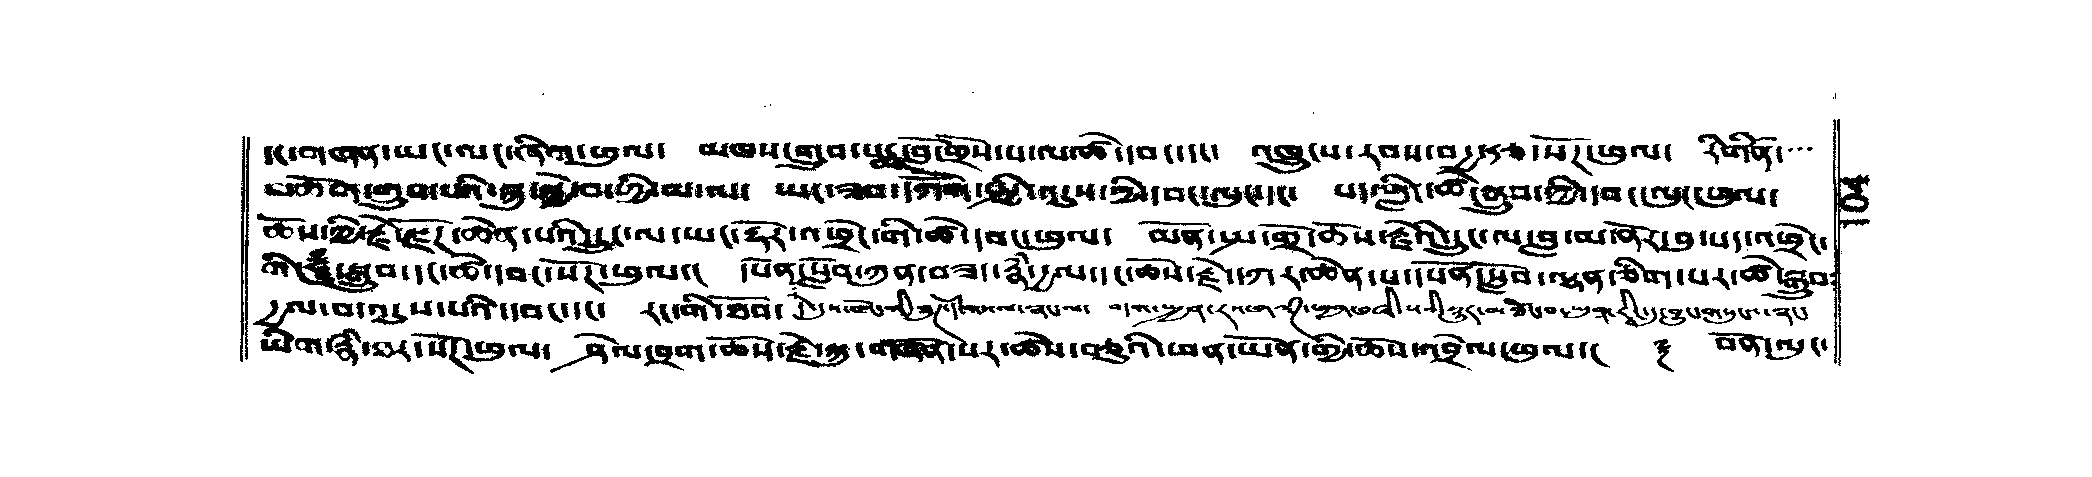དང་གཞན་ཡང་མང་ཞིག་ཕུལ། མཁས་གྲུབ་པདྨ་བློ་གྲོས་པ་ལ་ཚེ་དབང་དང་། འཁྲུངས་རབས་བརྒྱ་རྩ་སོགས་ཕུལ། རིག་འཛིན་
མཆོག་གྲུབ་པའི་སྐུ་སྐྱེ་བ་ཕྱི་མ་ལ། ཡང་ཟབ་དཀོན་མཆོག་སྤྱི་འདུས་ཀྱི་དབང་ལུང་དང་། པད་གླིང་ཚེ་སྒྲུབ་ཀྱི་དབང་ལུང་ཕུལ།
ཆོས་ཀྱི་རྗེ་རྫོགས་ཆེན་པོའི་དྲུང་ལ་རྡོར་འཕྲེང་གི་ཚེ་དབང་ཕུལ། མོན་སྤ་གྲོ་ཆོས་རྗེའི་དྲུང་ལ་བླ་པ་ནོར་བུ་པད་འཕྲེང་
གི་ཧཱུྃ་སྒྲུབ་དང་ཚེ་དབང་སོགས་ཕུལ། དཔོན་{དེ་དུས་ཁོང་གི་ཐུགས་དམ་གསལ་སྣང་ལ། }སློབ་ཀུན་བཟང་རྣམ་རྒྱལ་དང་ཆོས་རྗེ་དཀར་ཆེན་པ་དཔོན་སློབ་ལྷན་ཅིག་པར་ཚེ་སྒྲུབ་
རྒྱལ་བ་འདུས་པའི་དབང་དང་། རང་གི་ཐོབ་བདག་སྤྱན་རས་གཟིགས་ཕྱག་བཞི་པའི་སྐུར་མཐོང་བ་ཡུན་རིང་དུ་བྱུང་གསུངས་སྣང་།
ཡིག་རྣམ་ཐར་སོགས་ཕུལ། ཤེལ་བྲག་ཆོས་རྗེ་སྐུ་གཞོན་པར་ཚེས་བཅུའི་ཕན་ཡོན་གྱི་ཆོས་འབྲེལ་ཕུལ། བོན་ལུང་